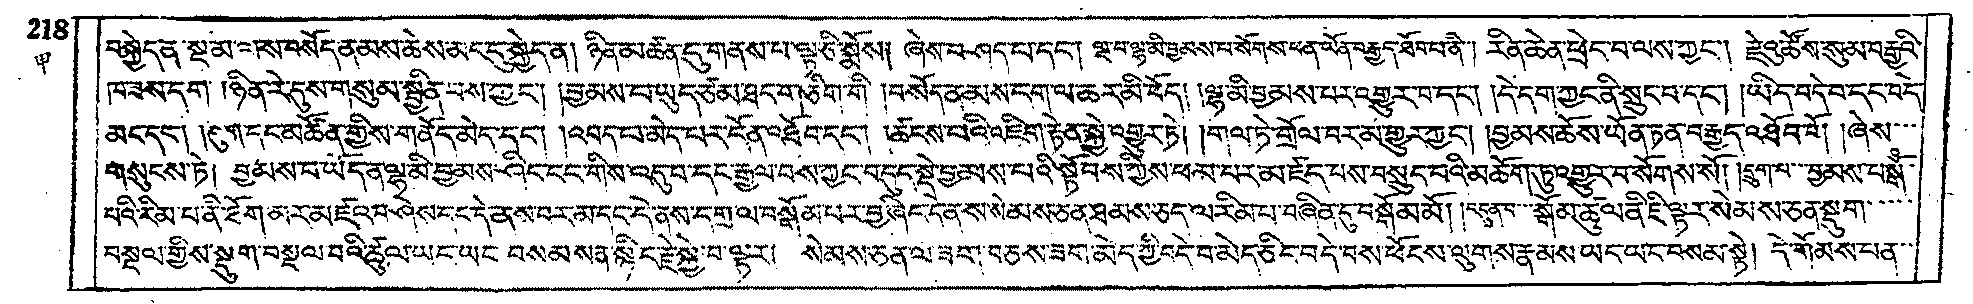བསྐྱེད་ན་སྔ་མ་ལས་བསོད་ནམས་ཆེས་མང་དུ་སྐྱེད་ན། ཉིན་མཚན་དུ་གནས་པ་ལྟ་ཅི་སྨོས། ཞེས་བཤད་པ་དང་། ལྔ་པ་ལྷ་མི་བྱམས་པ་སོགས་ཕན་ཡོན་བརྒྱད་ཐོབ་པ་ནི། རིན་ཆེན་ཕྲེང་བ་ལས་ཀྱང་། རྫེའུ་ཚོས་སུམ་བརྒྱའི་
ཁ་ཟས་དག །ཉིན་རེ་དུས་གསུམ་སྦྱིན་པས་ཀྱང་། །བྱམས་པ་ཡུད་ཙམ་ཐང་གཅིག་གི །བསོད་ནམས་དག་ལ་ཆར་མི་ཕོད། །ལྷ་མི་བྱམས་པར་འགྱུར་བ་དང་། །དེ་དག་ཀྱང་ནི་སྲུང་བ་དང་། །ཡིད་བདེ་བ་དང་བདེ་
མང་དང་། །ཤུག་དང་མཚོན་གྱིས་གནོད་མེད་དང་། །འབད་པ་མེད་པར་དོན་འཐོབ་དང་། །ཚངས་པའི་འཇིག་རྟེན་སྐྱེ་འགྱུར་ཏེ། །གལ་ཏེ་གྲོལ་བར་མ་གྱུར་ཀྱང་། །བྱམས་ཆོས་ཡོན་ཏན་བརྒྱད་འཐོབ་བོ། །ཞེས་
གསུངས་ཏེ། བྱམས་པ་ཡོད་ན་ལྷ་མི་བྱམས་ཤིང་ངང་གིས་འདུ་བ་དང་རྒྱལ་བས་ཀྱང་བདུད་སྡེ་བྱམས་པའི་སྟོབས་ཀྱིས་ཕམ་པར་མཛད་པས་བསྲུང་བའི་མཆོག་ཏུ་འགྱུར་བ་སོགས་སོ། །དྲུག་པ་བྱམས་པ་སྒོཾ་
པའི་རིམ་པ་ནི་ཐོག་མར་མཛའ་བཤེས་དང་དེ་ནས་བར་མ་དང་དེ་ནས་དགྲ་ལ་བསྒོམ་པར་བྱ་ཞིང་དེ་ནས་སེམས་ཅན་ཐམས་ཅད་ལ་རིམ་པ་བཞིན་དུ་བསྒོམ་མོ། །བདུན་པ་སྒོམ་ཚུལ་ནི་ཇི་ལྟར་སེམས་ཅན་སྡུག་
བསྔལ་གྱིས་སྡུག་བསྔལ་བའི་ཚུལ་ཡང་ཡང་བསམས་ན་སྙིང་རྗེ་སྐྱེ་བ་ལྟར། སེམས་ཅན་ལ་ཟག་བཅས་ཟག་མེད་ཀྱི་བདེ་བ་མེད་ཅིང་བདེ་བས་ཕོངས་ལུགས་རྣམས་ཡང་ཡང་བསམ་སྟེ། དེ་གོམས་པ་ན་